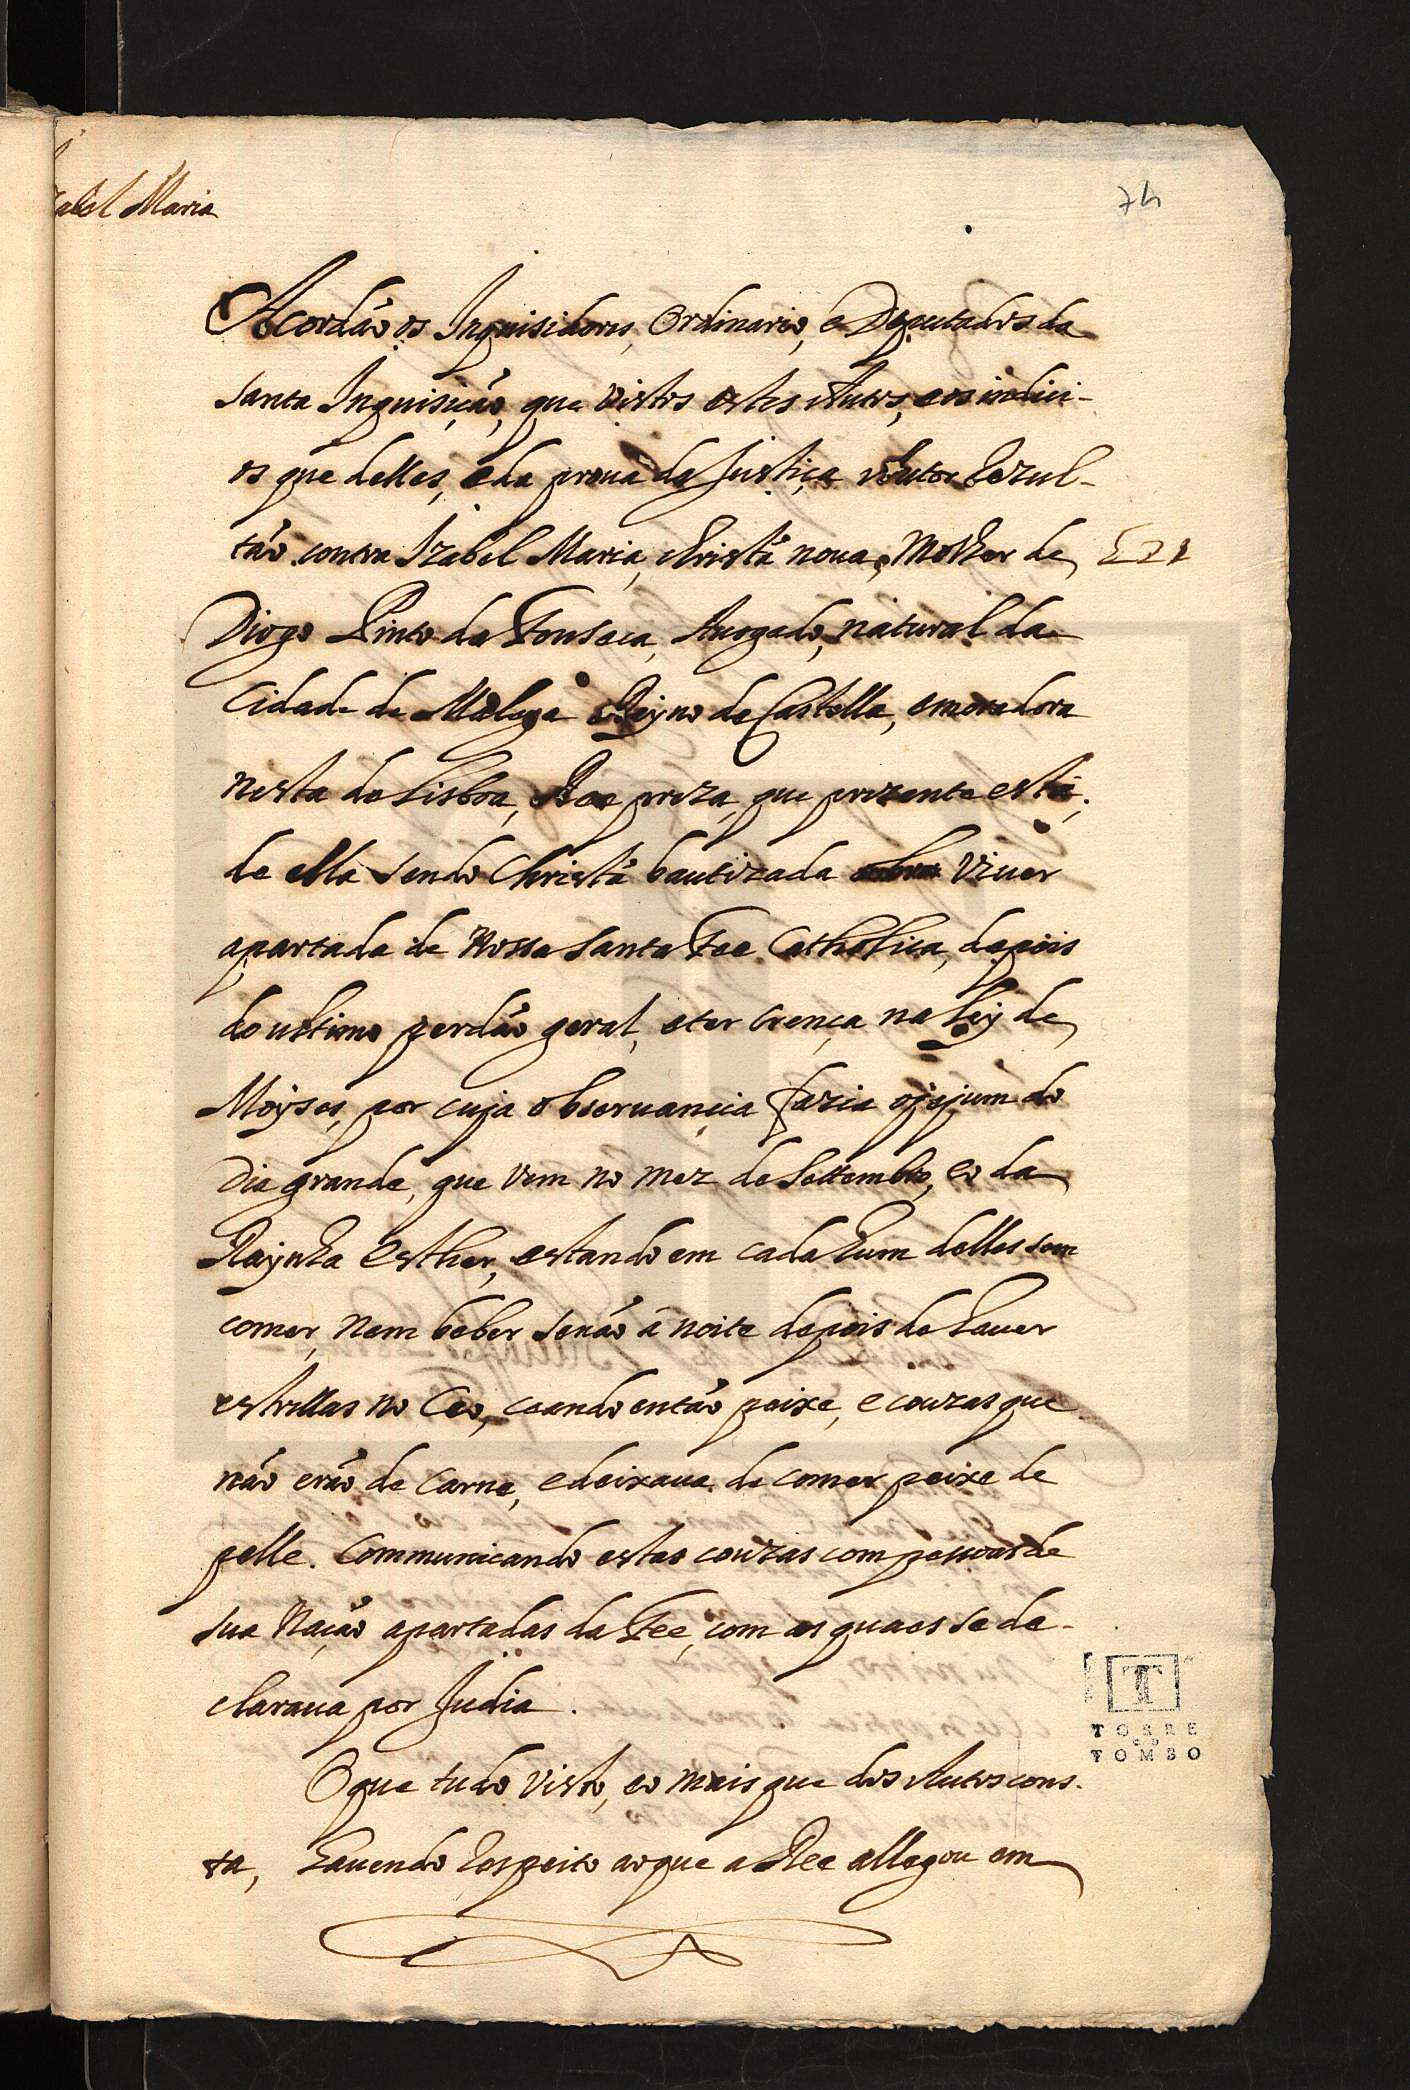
__abel Maria
Acordaõ os Inquisidores, Ordinario, e Deputados da
santa Inquisiçaõ, que vistos estes Autos, e os indici
os que delles, e da proua da Justiça Autor Rezul
taõ contra Izabel Maria, christã noua, Molher de
Diogo Pinto da Fonseca, Auogado, natural da
Cidade de Malaga Reyno de Castella, e moradora
nesta de Lisboa, Ree preza, que prezente está;
de ella sendo Christã bautizada _____ viuer
apartada de nossa santa Fee Catholica, depois
do ultimo perdaõ geral, e ter crença na Ley de
Moyses, por cuja obseruançia fazia o jejum do
dia grande, que vem no mez de Settembro, e o da
Raynha esther, estando em cada hum delles sem
comer, nem beber senaõ á noite depois de hauer
estrellas no Ceo, ceando entaõ peixe, e couzas que
naõ eraõ de Carne, e deixaua de comer peixe de
pelle. Communicando estas couzas com pessoas de
sua Naçaõ apartadas da Fee, com as quaes se de
claraua por Judia.
O que tudo visto, e o mais que dos Autos cons
ta, hauendo Respeito ao que a Ree allegou em
